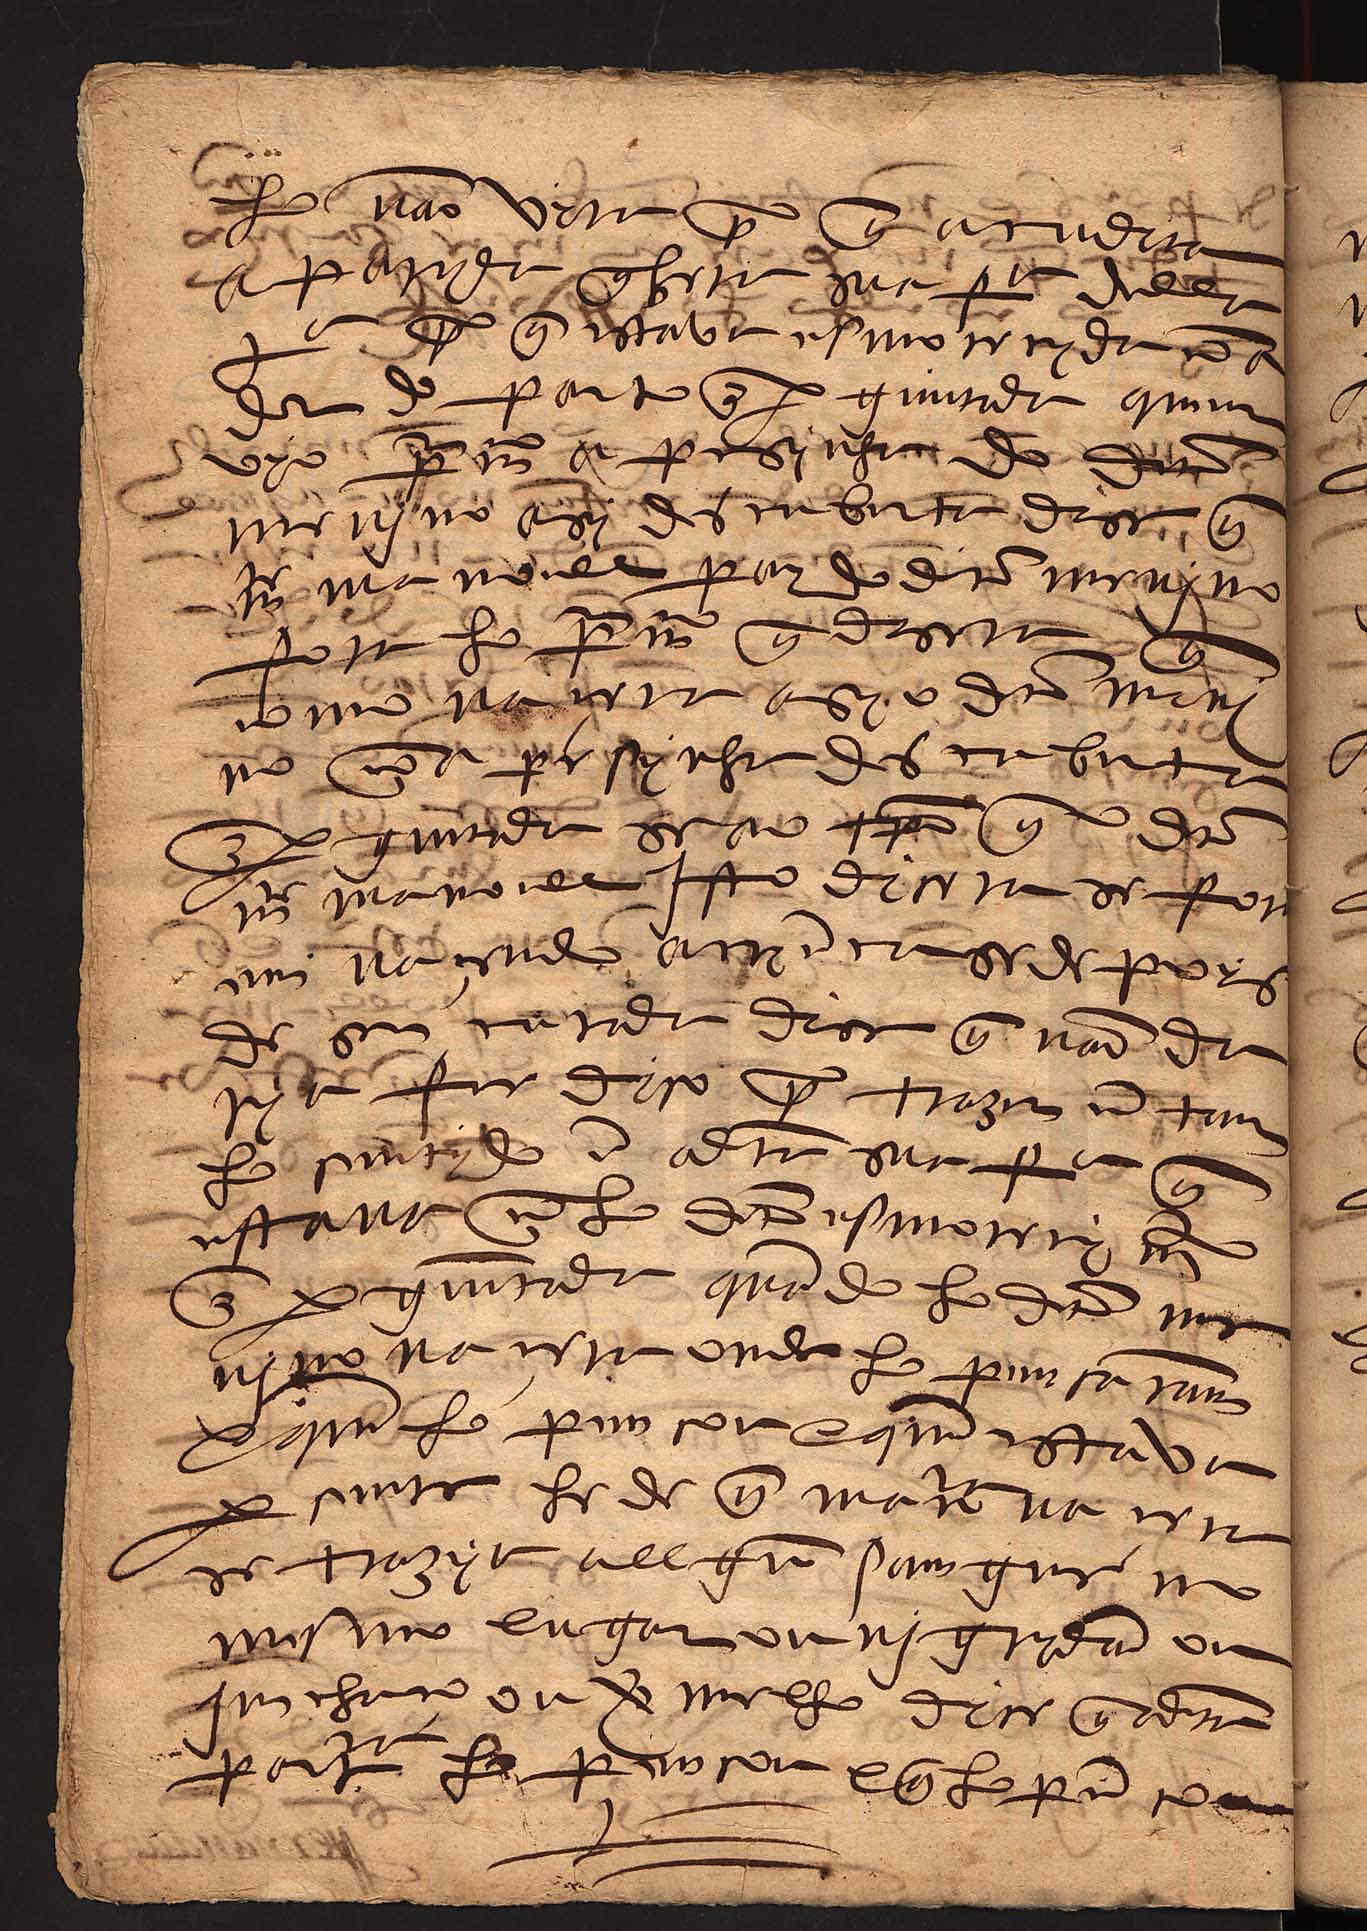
ho não vyra p̄oq̄ acudyra
a paryda q̄ hera sua fa della
ta p̄oq̄ estava esmorecyda cō a
dor do parto item ꝑguntada quem
vyo prmro a pesynha do dito
menjno asy descuberta dise q̄
mte manoell pay do dito menjno
fora ho prmro q̄ disera q̄
como naçera asy o dito menj
no ç̄o a pesynha descuberta
item ꝑguntada se ao tp̄o q̄ o dito
mte manoell Jsto dysera se for
em naçendo a cryenca se depoys
de ser curada dise q̄ não da
rya fee dyso p̄o trazer ētam
ho sentydo ē a dita sua fa q̄
estaua ç̄o ho dito esmorecymto
item ꝑgūntada quādo ho dito me
njno naçera onde ho pemsaram
e quē ho pemsou e quē estava
ꝑsemte he de q̄ manra naçera
se trazya allgū samgue no
mesmo lugar ou njgrydā ou
Jmchaço ou ꝟmelho dyse q̄ a dita
partra ho pemsou e q̄ ho pēso
